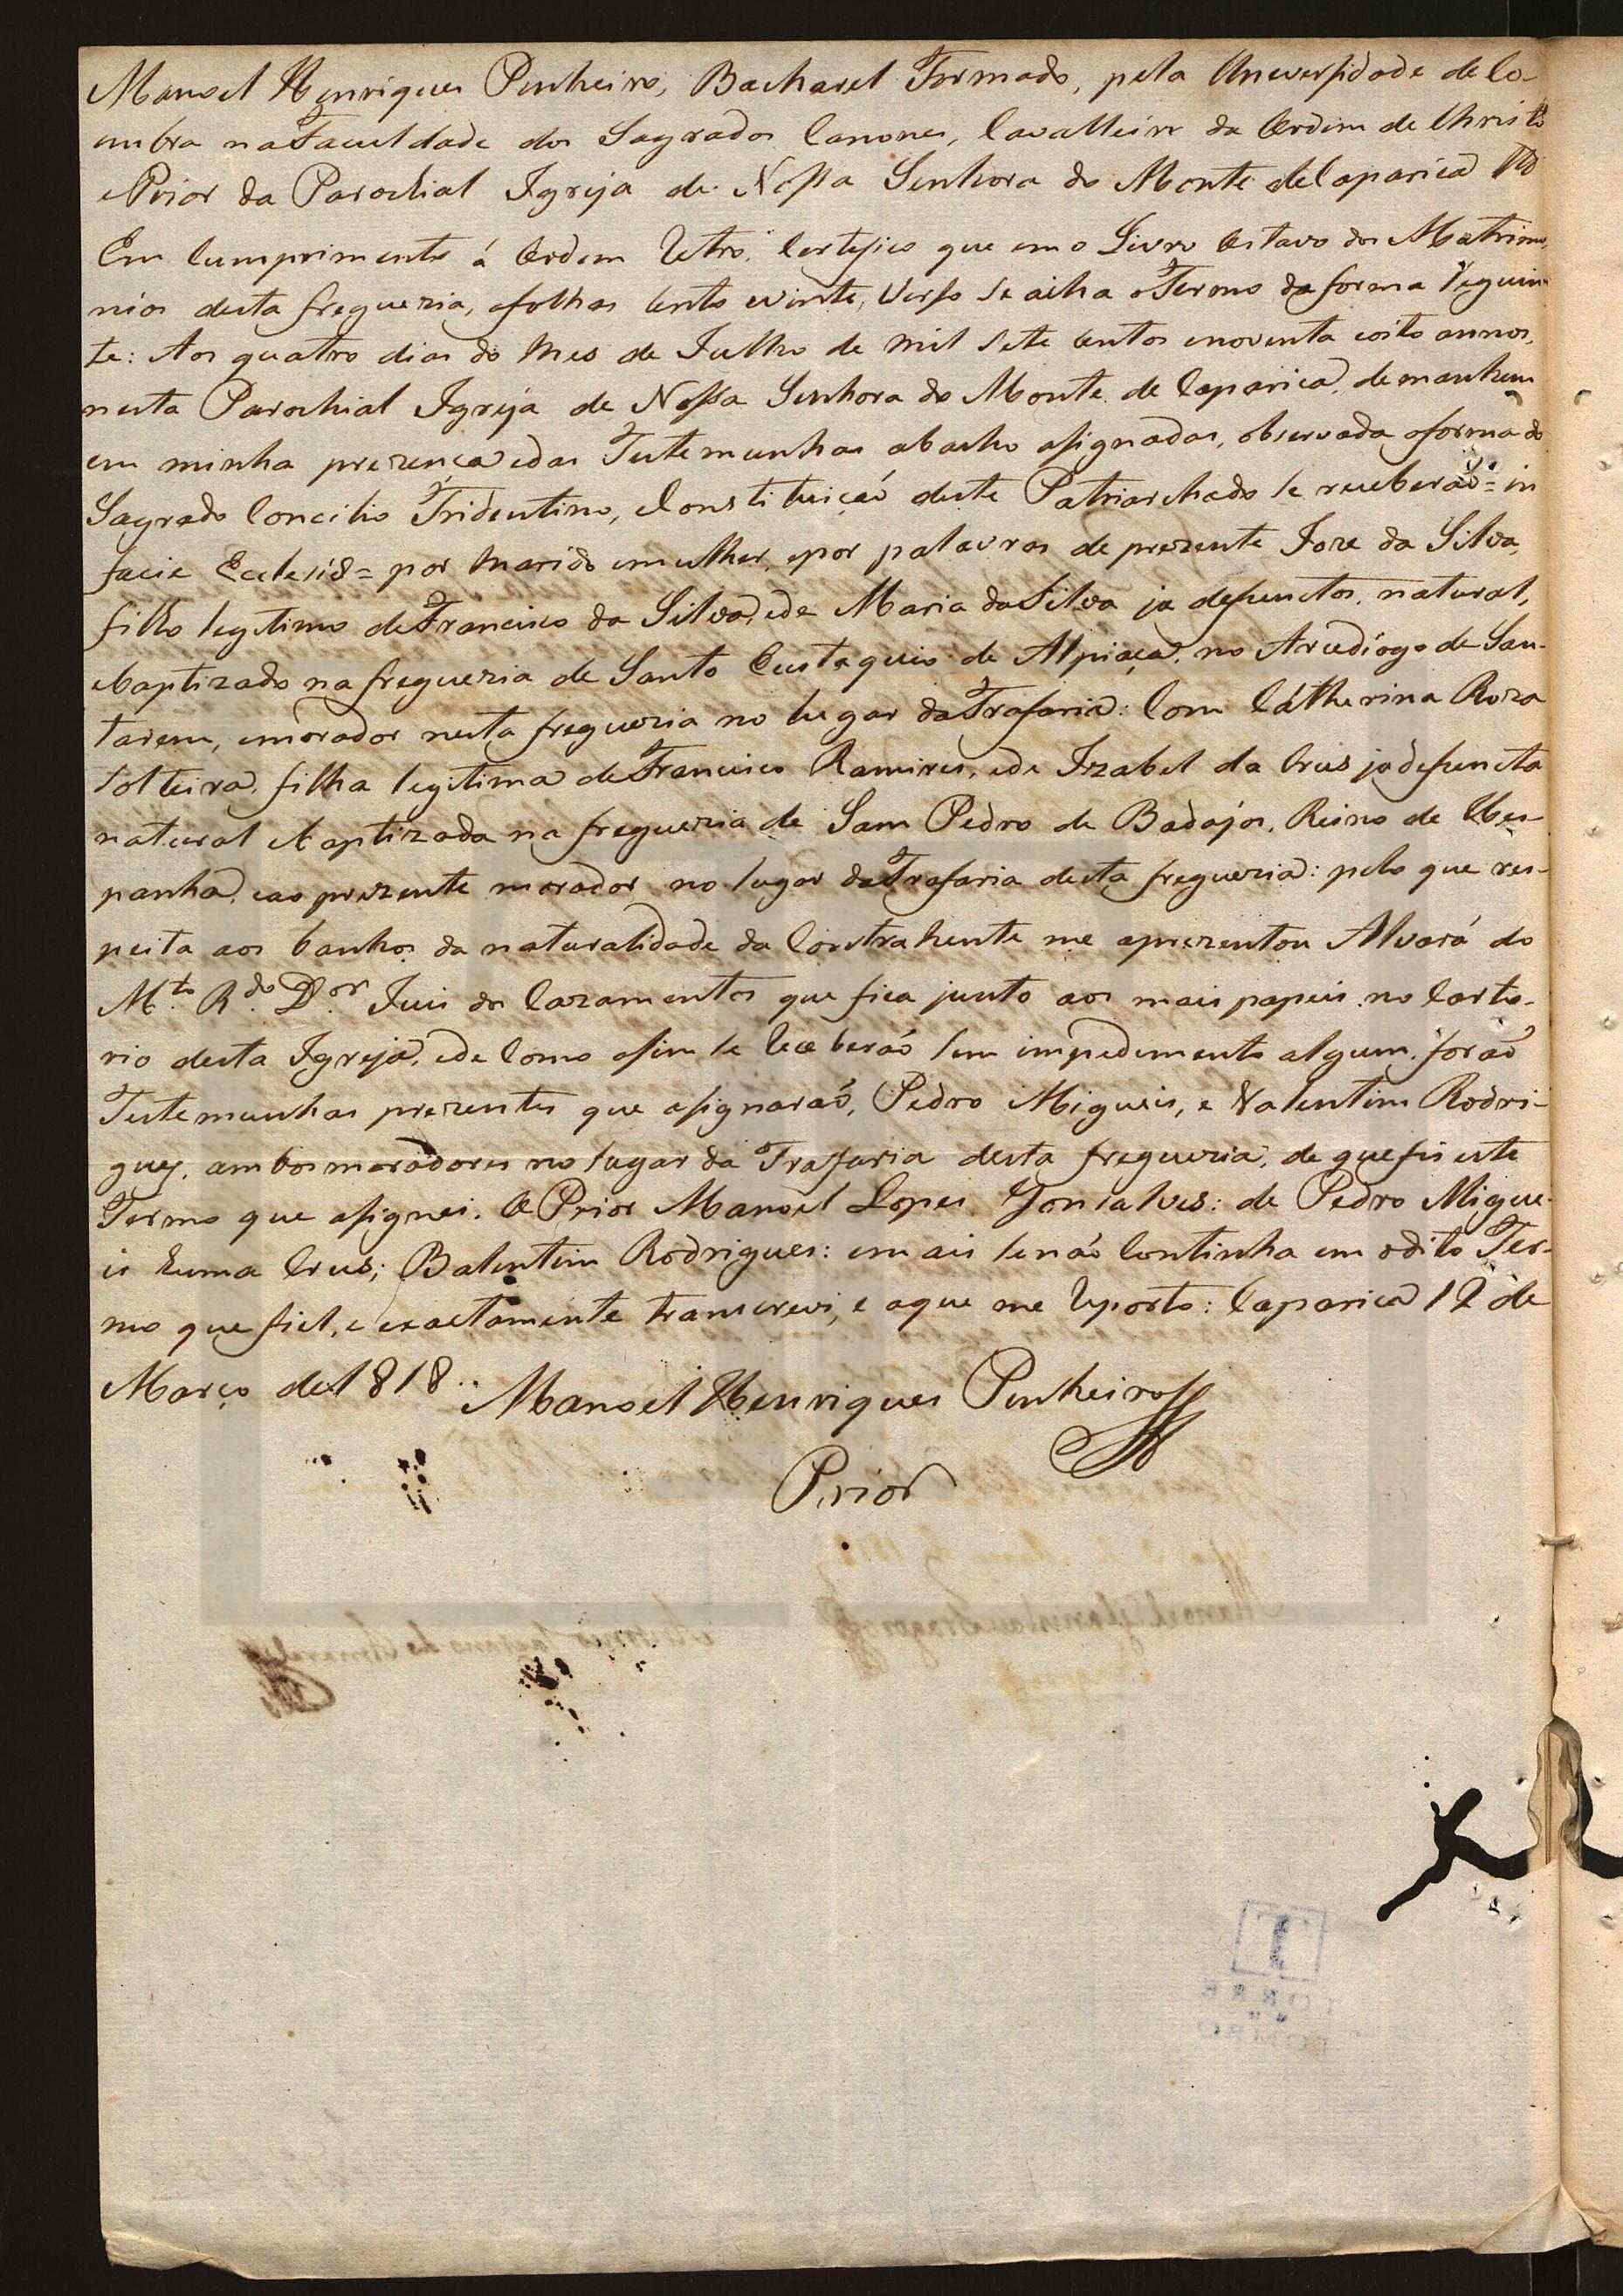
Manoel Henriques Pinheiro, Bacharel Formado, pela Universidade de Co
imbra na Faculdade dos Sagrados Canones, Cavalleiro da Ordem de Christo
e Prior da Parochial Igreja de Nossa Senhora do Monte de Caparica
Em Cumprimento á Ordem Retro, Certefico que em o Livro Oitavo dos Matrimo
nios desta freguezia, a folhas Cento e vinte, Verso se acha o Termo da forma seguin
te: Aos quatro dias do mes de Iulho de mil setecentos e noventa e oito annos
nesta Parochial Igreja de Nossa Senhora do Monte de Caparica, de manhem
em minha prezença e das Testemunhas abacho asignadas, observada a forma do
Sagrado Concilio Tridentino, e Constituiçaõ deste Patriarchado se receberaõ = in
faciæ Ecclesiæ= por marido e mulher, e por palavras de prezente Ioze da Silva,
filho legitimo de Francisco da Silva, e de Maria da Silva ja defunctos natural,
e baptizado na freguezia de Santo Eustaquio de Alpiaça, no Arcediago de San
tarem, e morador nesta freguezia no lugar da Trafaria: Com Catherina Roza
solteira, filha legitima de Francisco Ramires, e de Izabel da Crus ja defuncta
natural e baptizada na freguezia de Sam Pedro de Badajos, Reino de Hes
panha, e ao prezente morador no lugar da Trafaria desta freguezia: pelo que res
peita aos banhos da naturalidade da Contrahente me aprezentou Alvará do
M.to R.do D.or Iuis do Cazamentos que fica junto aos mais papeis no Carto
rio desta Igreja, e de Como asim se Receberaõ sem impedimento algum. foraõ
Testemunhas prezentes que asignaraõ, Pedro Migueis, e Valentim Rodri
gues, ambos moradores no lugar da Trafaria desta freguezia, de que fis este
Termo que asignei: O Prior Manoel Lopes Gonsalves: de Pedro Migue
is huma Crus; Balentim Rodrigues: e mais senaõ Continha em o dito Ter
mo que fiel, e exactamente transcrevi, e aqui me Reporto: Caparica 12 de
Março de 1818.
Manoel Henriques Pinheiro
Prior
